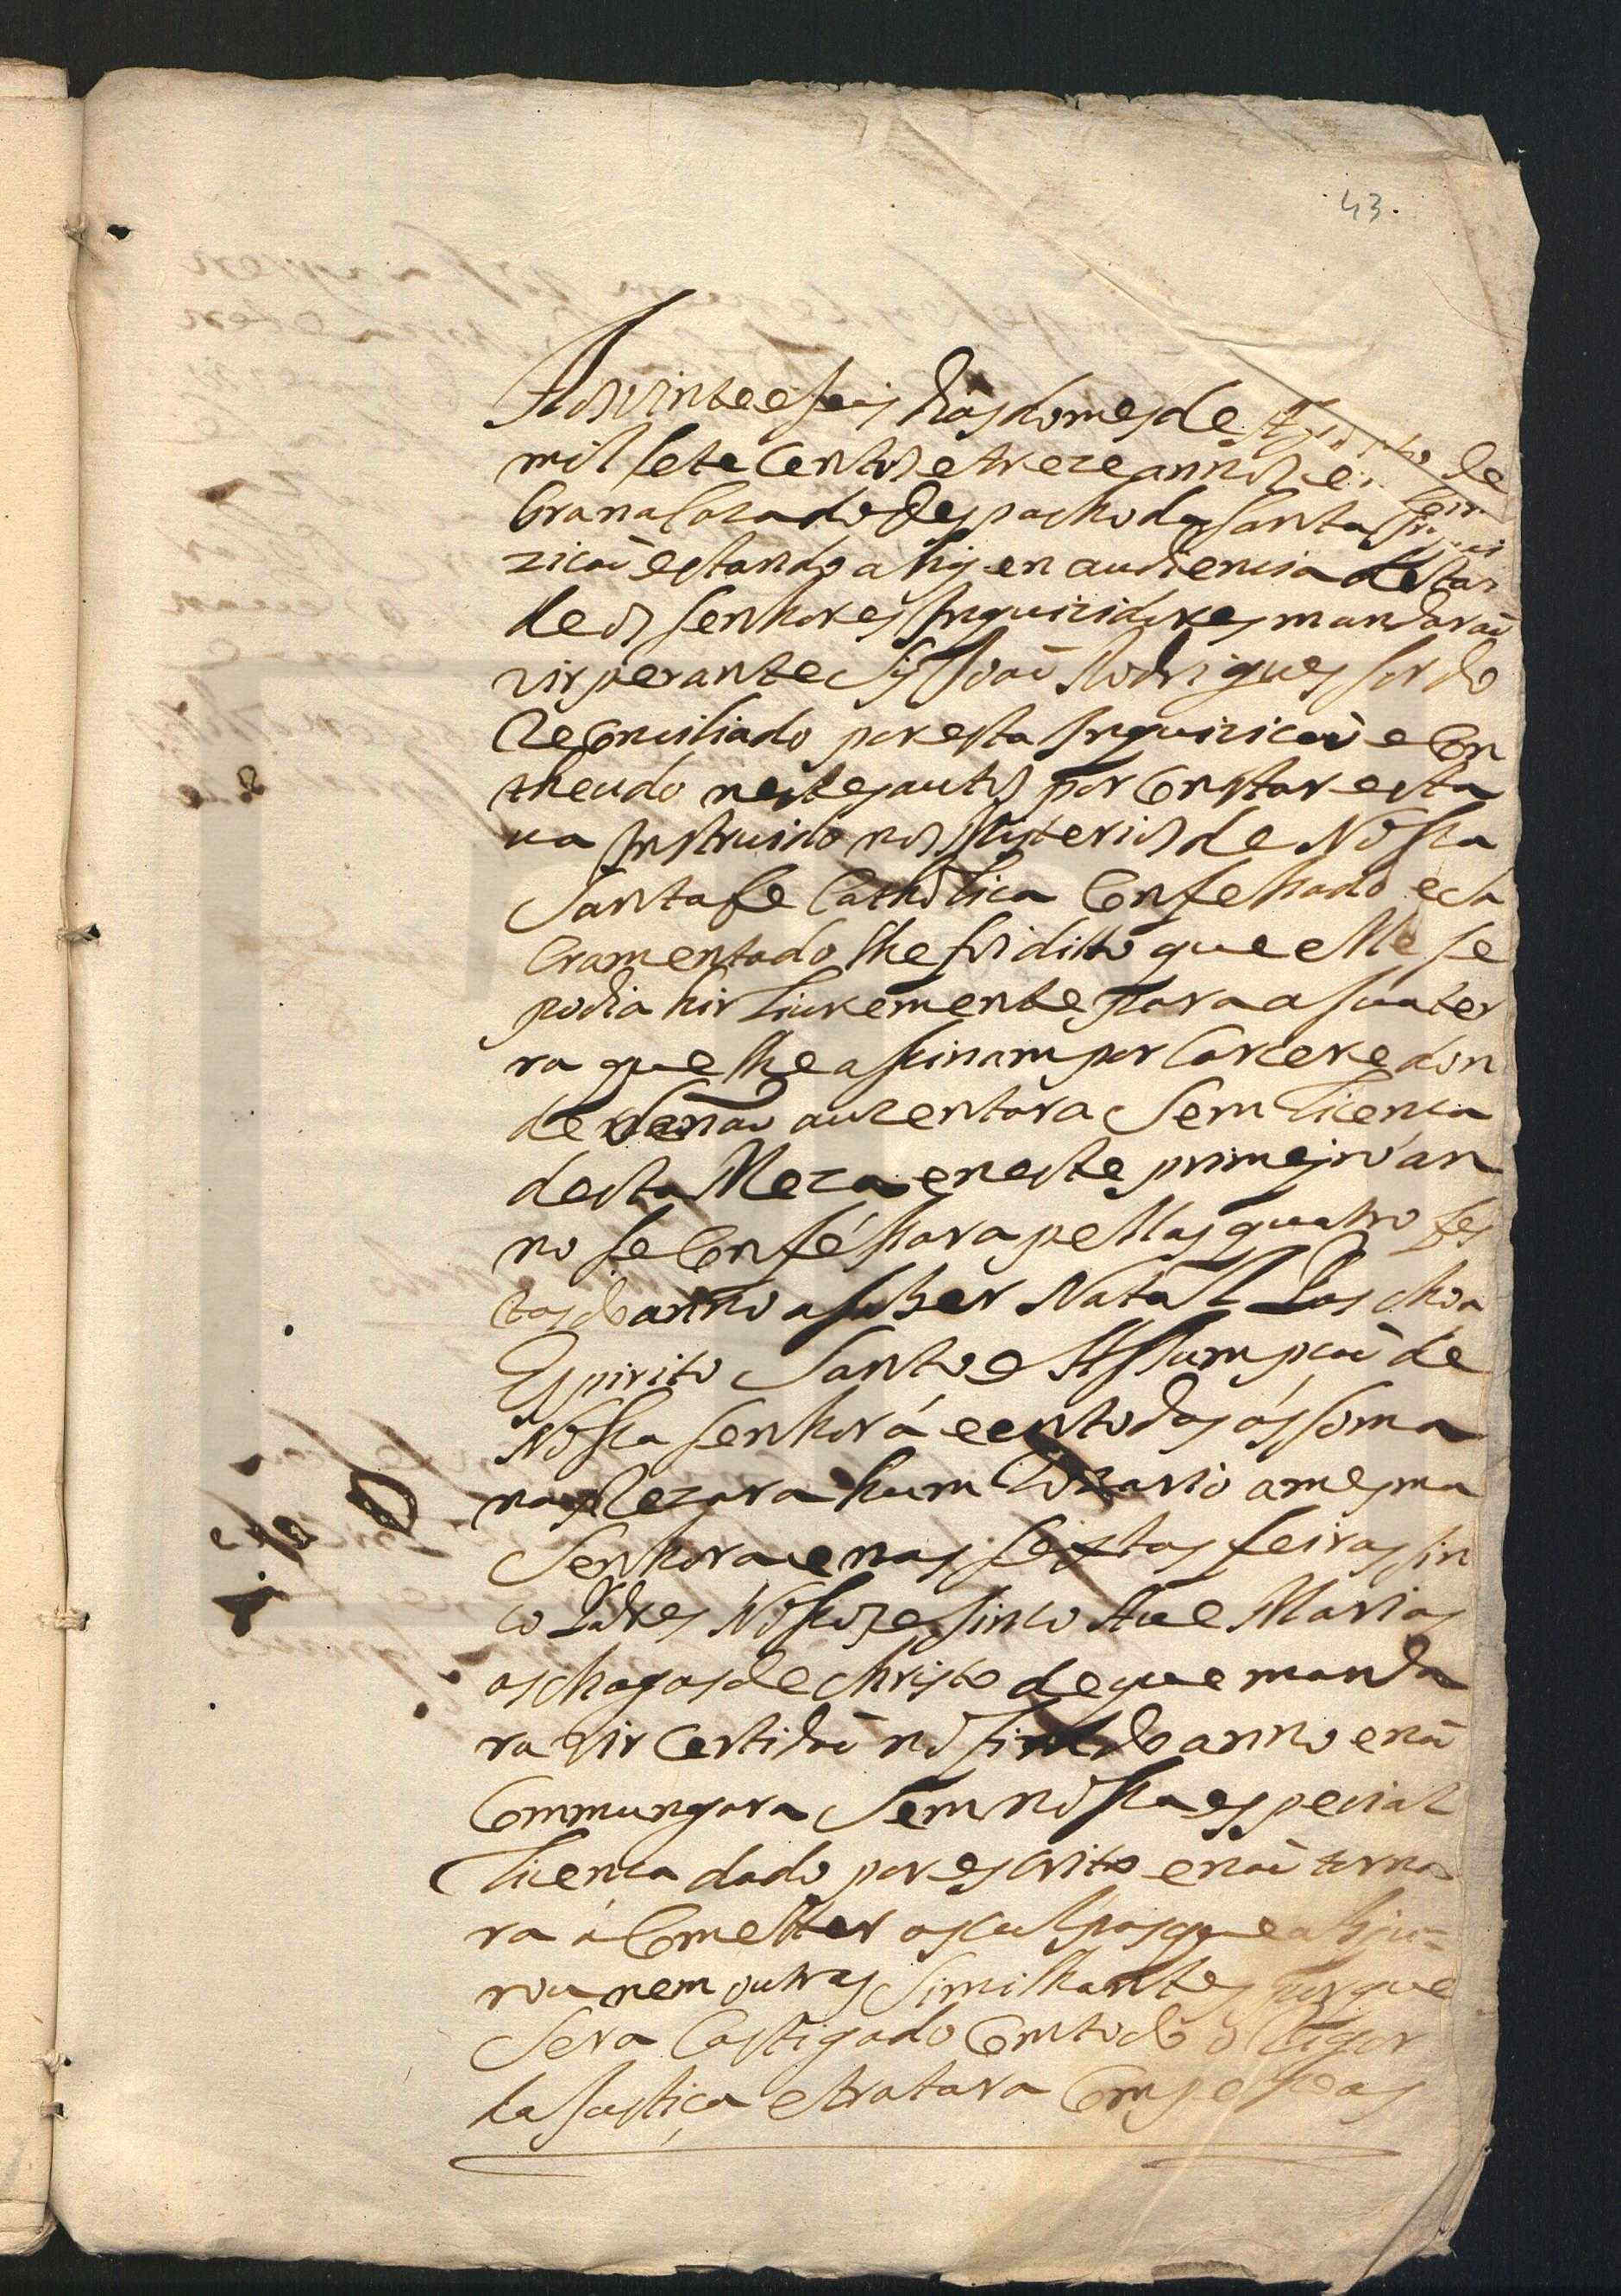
Aos vinte e seis dias do mes de A
mil setecentos e treze annos e
de
bra na Caza do despacho da santa Jn
ziçaõ estando ahy en audiencia de tar
de os senhores Jnquizidores mandaraõ
vir perante Sy Joaõ Rodrigues sordo
Reconciliado por esta Jnquiziçaõ e Con
theudo nestes autos por constar esta
ua Jnstruido nos Misterios de Nossa
Santa fe Catholica Confessado, e Sa
cramentado lhe foi ditto que elle se
podia hir Liuremente para a sua ter
ra que lhe assinam por Carcere don
de Se naõ auzentara Sem licença
desta Meza, e neste primejro an
no se confessara pellas quatro fes
tas do anno a saber Natal Paschoa
Espirito Santo, e Assumpçaõ de
Nossa senhora e en todas as soma
nas Rezara hum Rozario a mesma
Senhora e nas sextas feiras sin
co Padres Nossos e sinco Aue Marias
as chagas de christo de que manda
ra vir certidaõ no fim do anno e naõ
Commungara Sem nossa especial
licença dado por escrito e naõ torna
ra a Cometter as culpas que abju
rou nem outras similhantes porque
sera Castigado Com todo o Rigor
da Justiça e tratara Com pessoas
